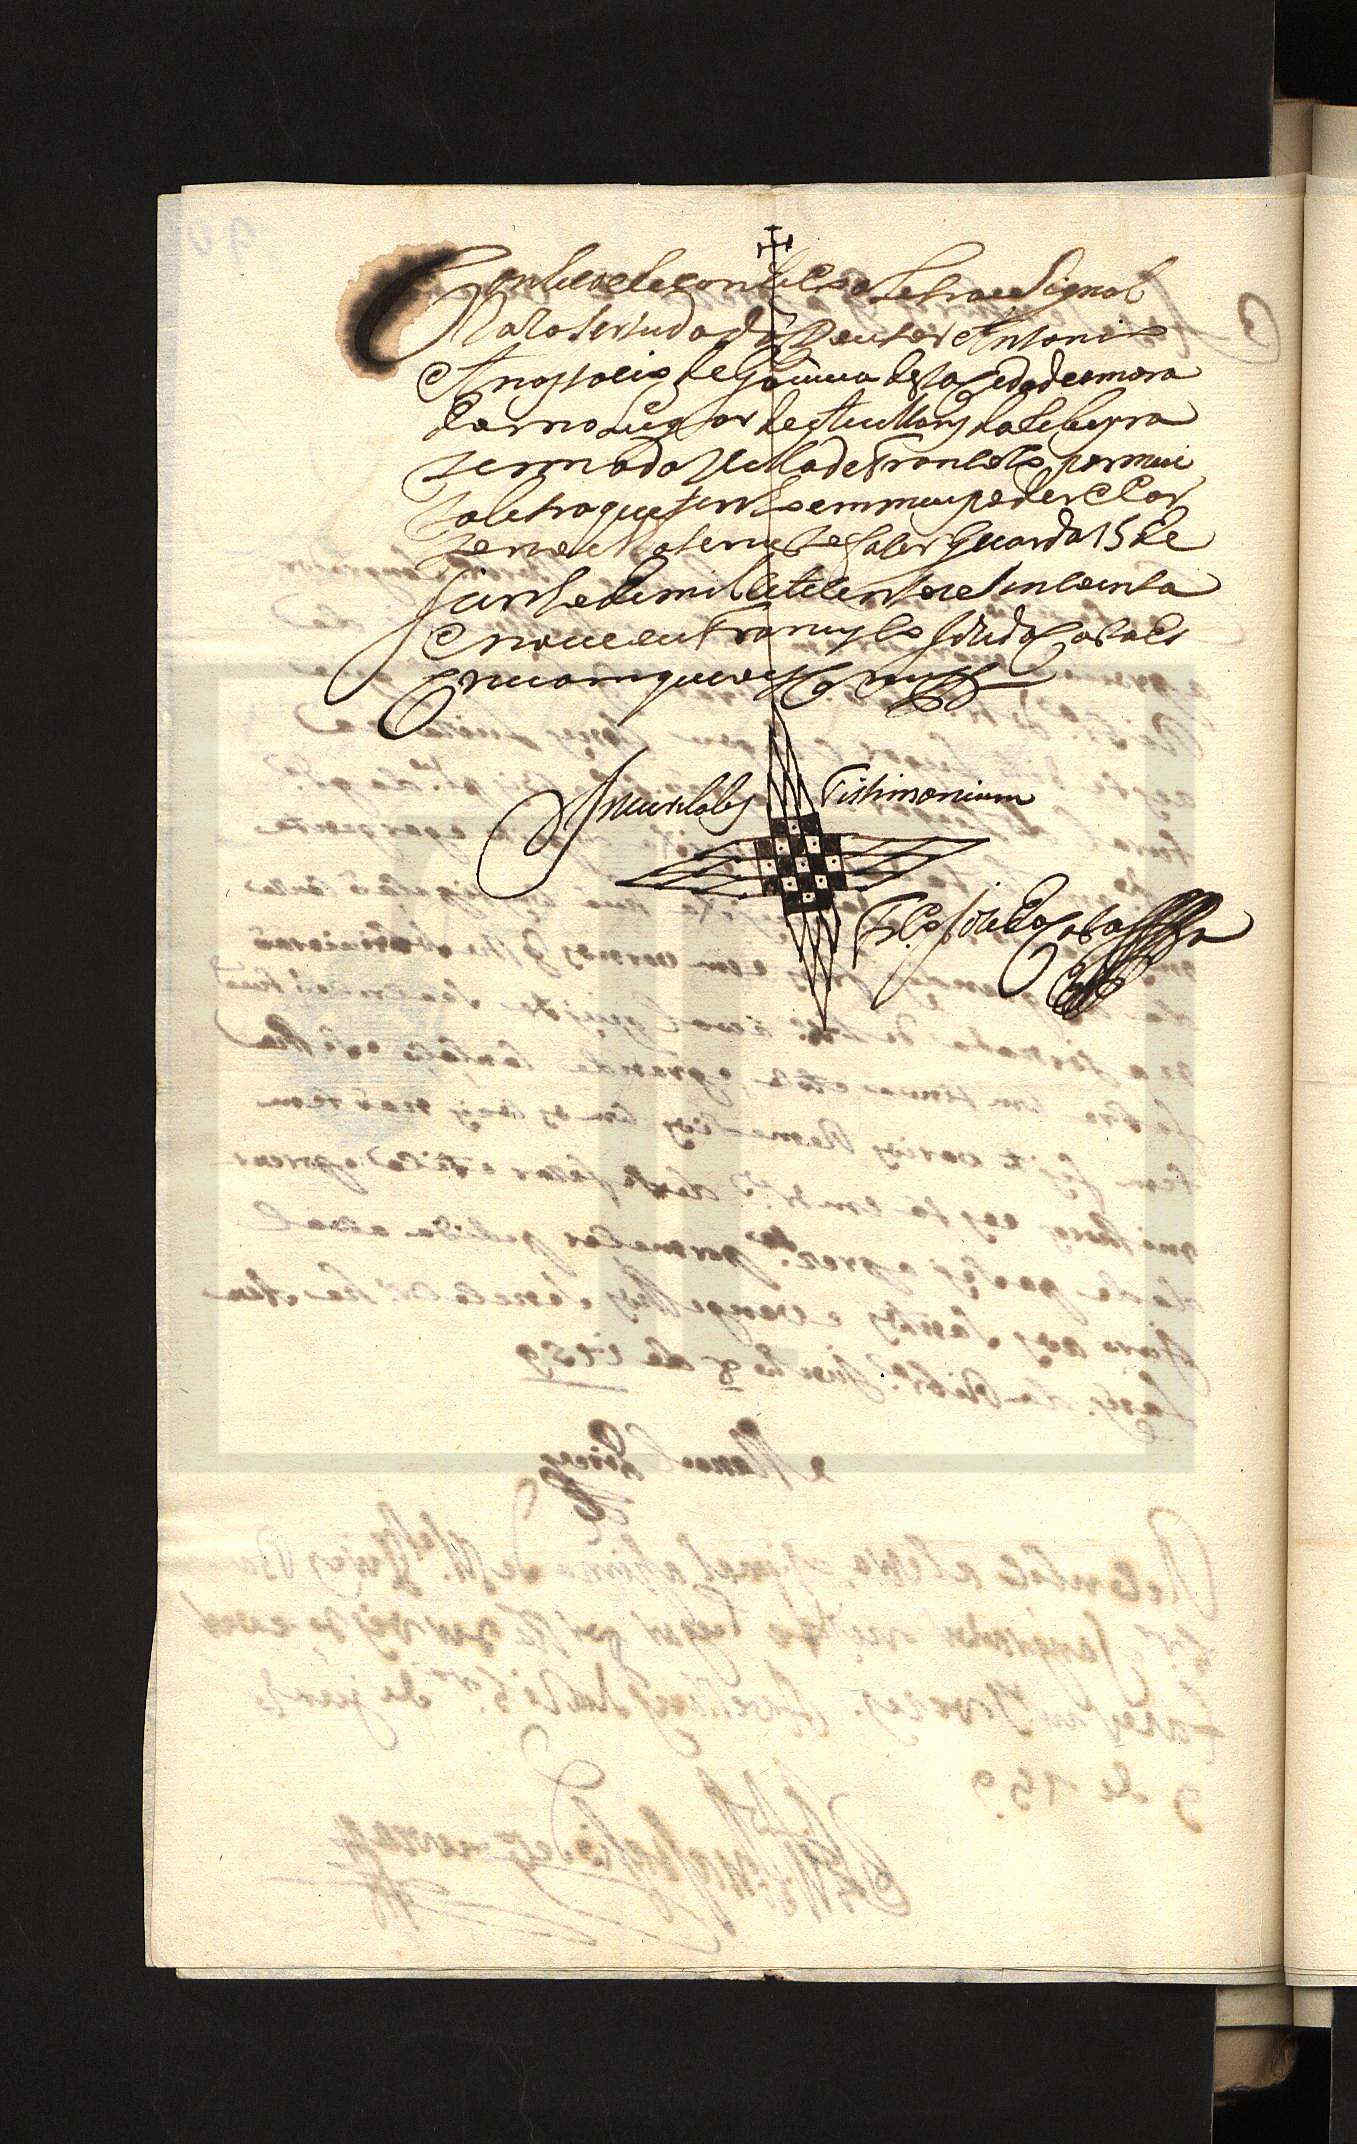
Conheço e Reconheço a Letra e signal
Raro ser tudo do Doutor Antonio
Anastacio de Gouuea desta Cidade e mora
dor no Lugar de Auellans da Rebeyra
termo da Villa de Trancozo por mui
ta letra que tenho em meu poder e Car
torio lho ter visto fazer Guarda 15 de
Junho de mil setecentos Sincoenta
E noue eu FrancisCo Joze da Costa Es
Criuam que o esCreuy
Jncurelabes
Tistimonium
Fr.Co Joze da Costa
